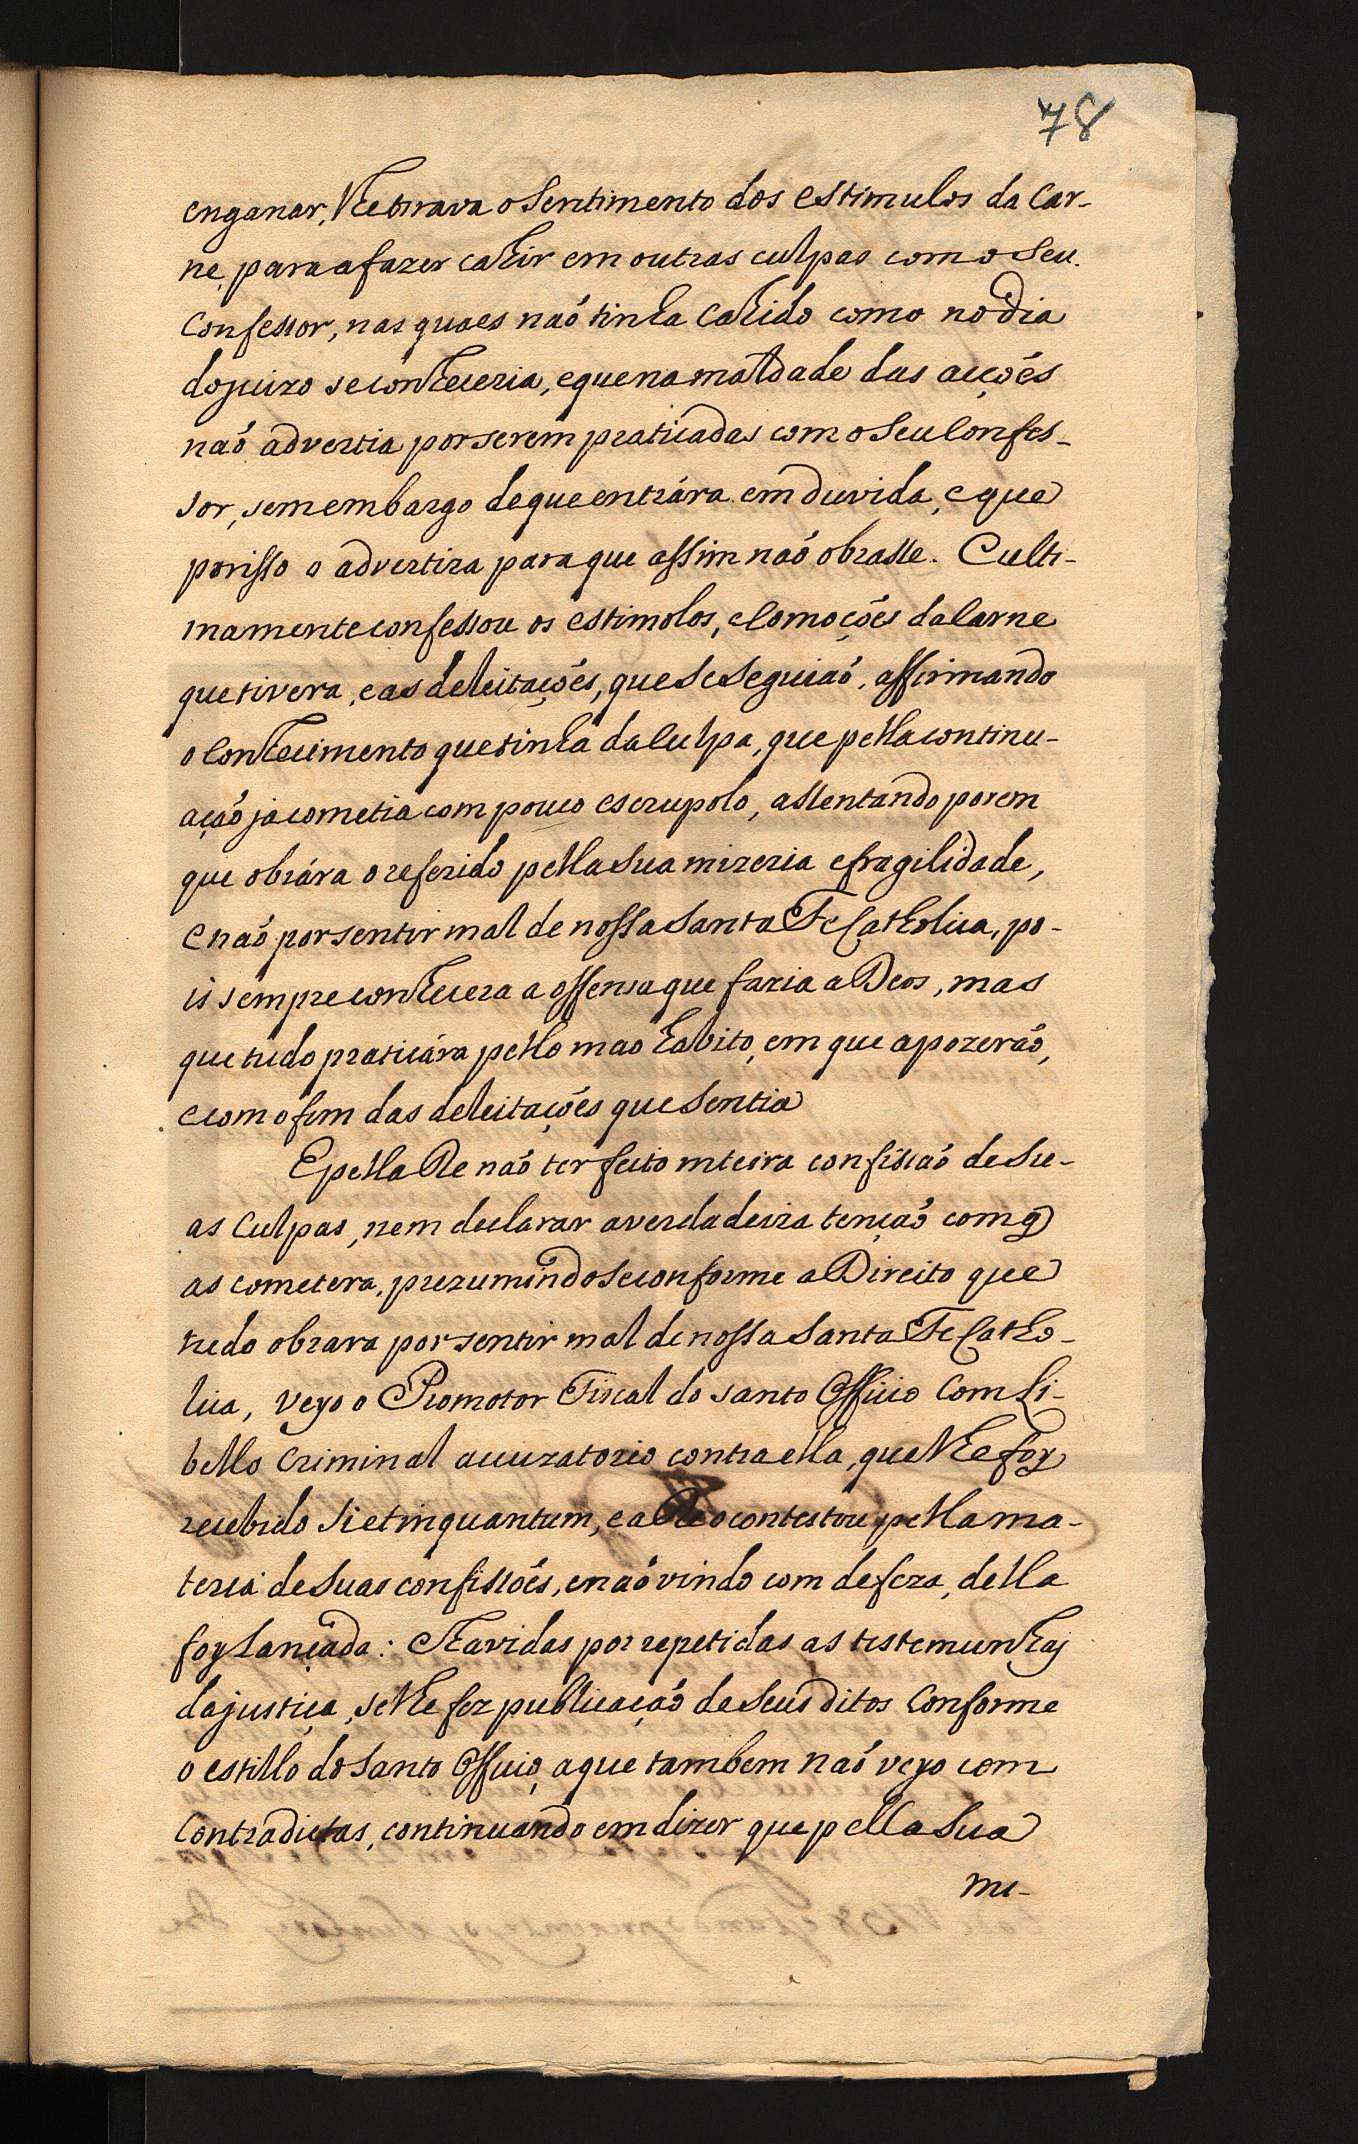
enganar, lhe tirava o sentimento dos estimulos da car
ne, para a fazer cahir em outras culpas com o seu
confessor, nas quaes naõ tinha cahido como no dia
do juizo se conheceria, e que na maldade das acçoẽs
naõ advertia por serem praticadas com o seu confes
sor, sem embargo de que entrára em duvida, e que
por isso o advertira para que assim naõ obrasse. E ulti
mamente confessou os estimolos, e comoçoẽs da Carne
que tivera, e as deleitaçoẽs, que se seguiaõ, affirmando
o conhecimento que tinha da culpa, que pella continu
açaõ ja cometia com pouco escrupolo, assentando porem
que obrára o referido pella sua mizezia e fragilidade,
e naõ por sentir mal de nossa Santa Fe Catholica, po
is sempre conhecera a offensa que fazia a Deos, mas
que tudo praticára pello mao habito, em que a pozeraõ,
e com o fim das deleitaçoẽs que Sentia
E pella Re naõ ter feito inteira confissaõ de Su
as culpas, nem declarar a verdadeira tençaõ com q̄
as cometera, prezumindose conforme a Direito que
tudo obrara por sentir mal de nossa Santa Fe Catho
lica, veyo o Promotor Fiscal do santo Officio com Li
bello criminal accuzatorio contra ella, que lhe foy
recebido si et in quantum, e a Re o contestou pella ma
teria de suas confissoẽs, e naõ vindo com defeza, della
foy lançada: e havidas por repetidas as testemunhas
da justiça, se lhe fez publicaçaõ de seus ditos conforme
o estillo do Santo Officio, a que tambem naõ veyo com
contradictas, continuando em dizer que pella Sua
me
